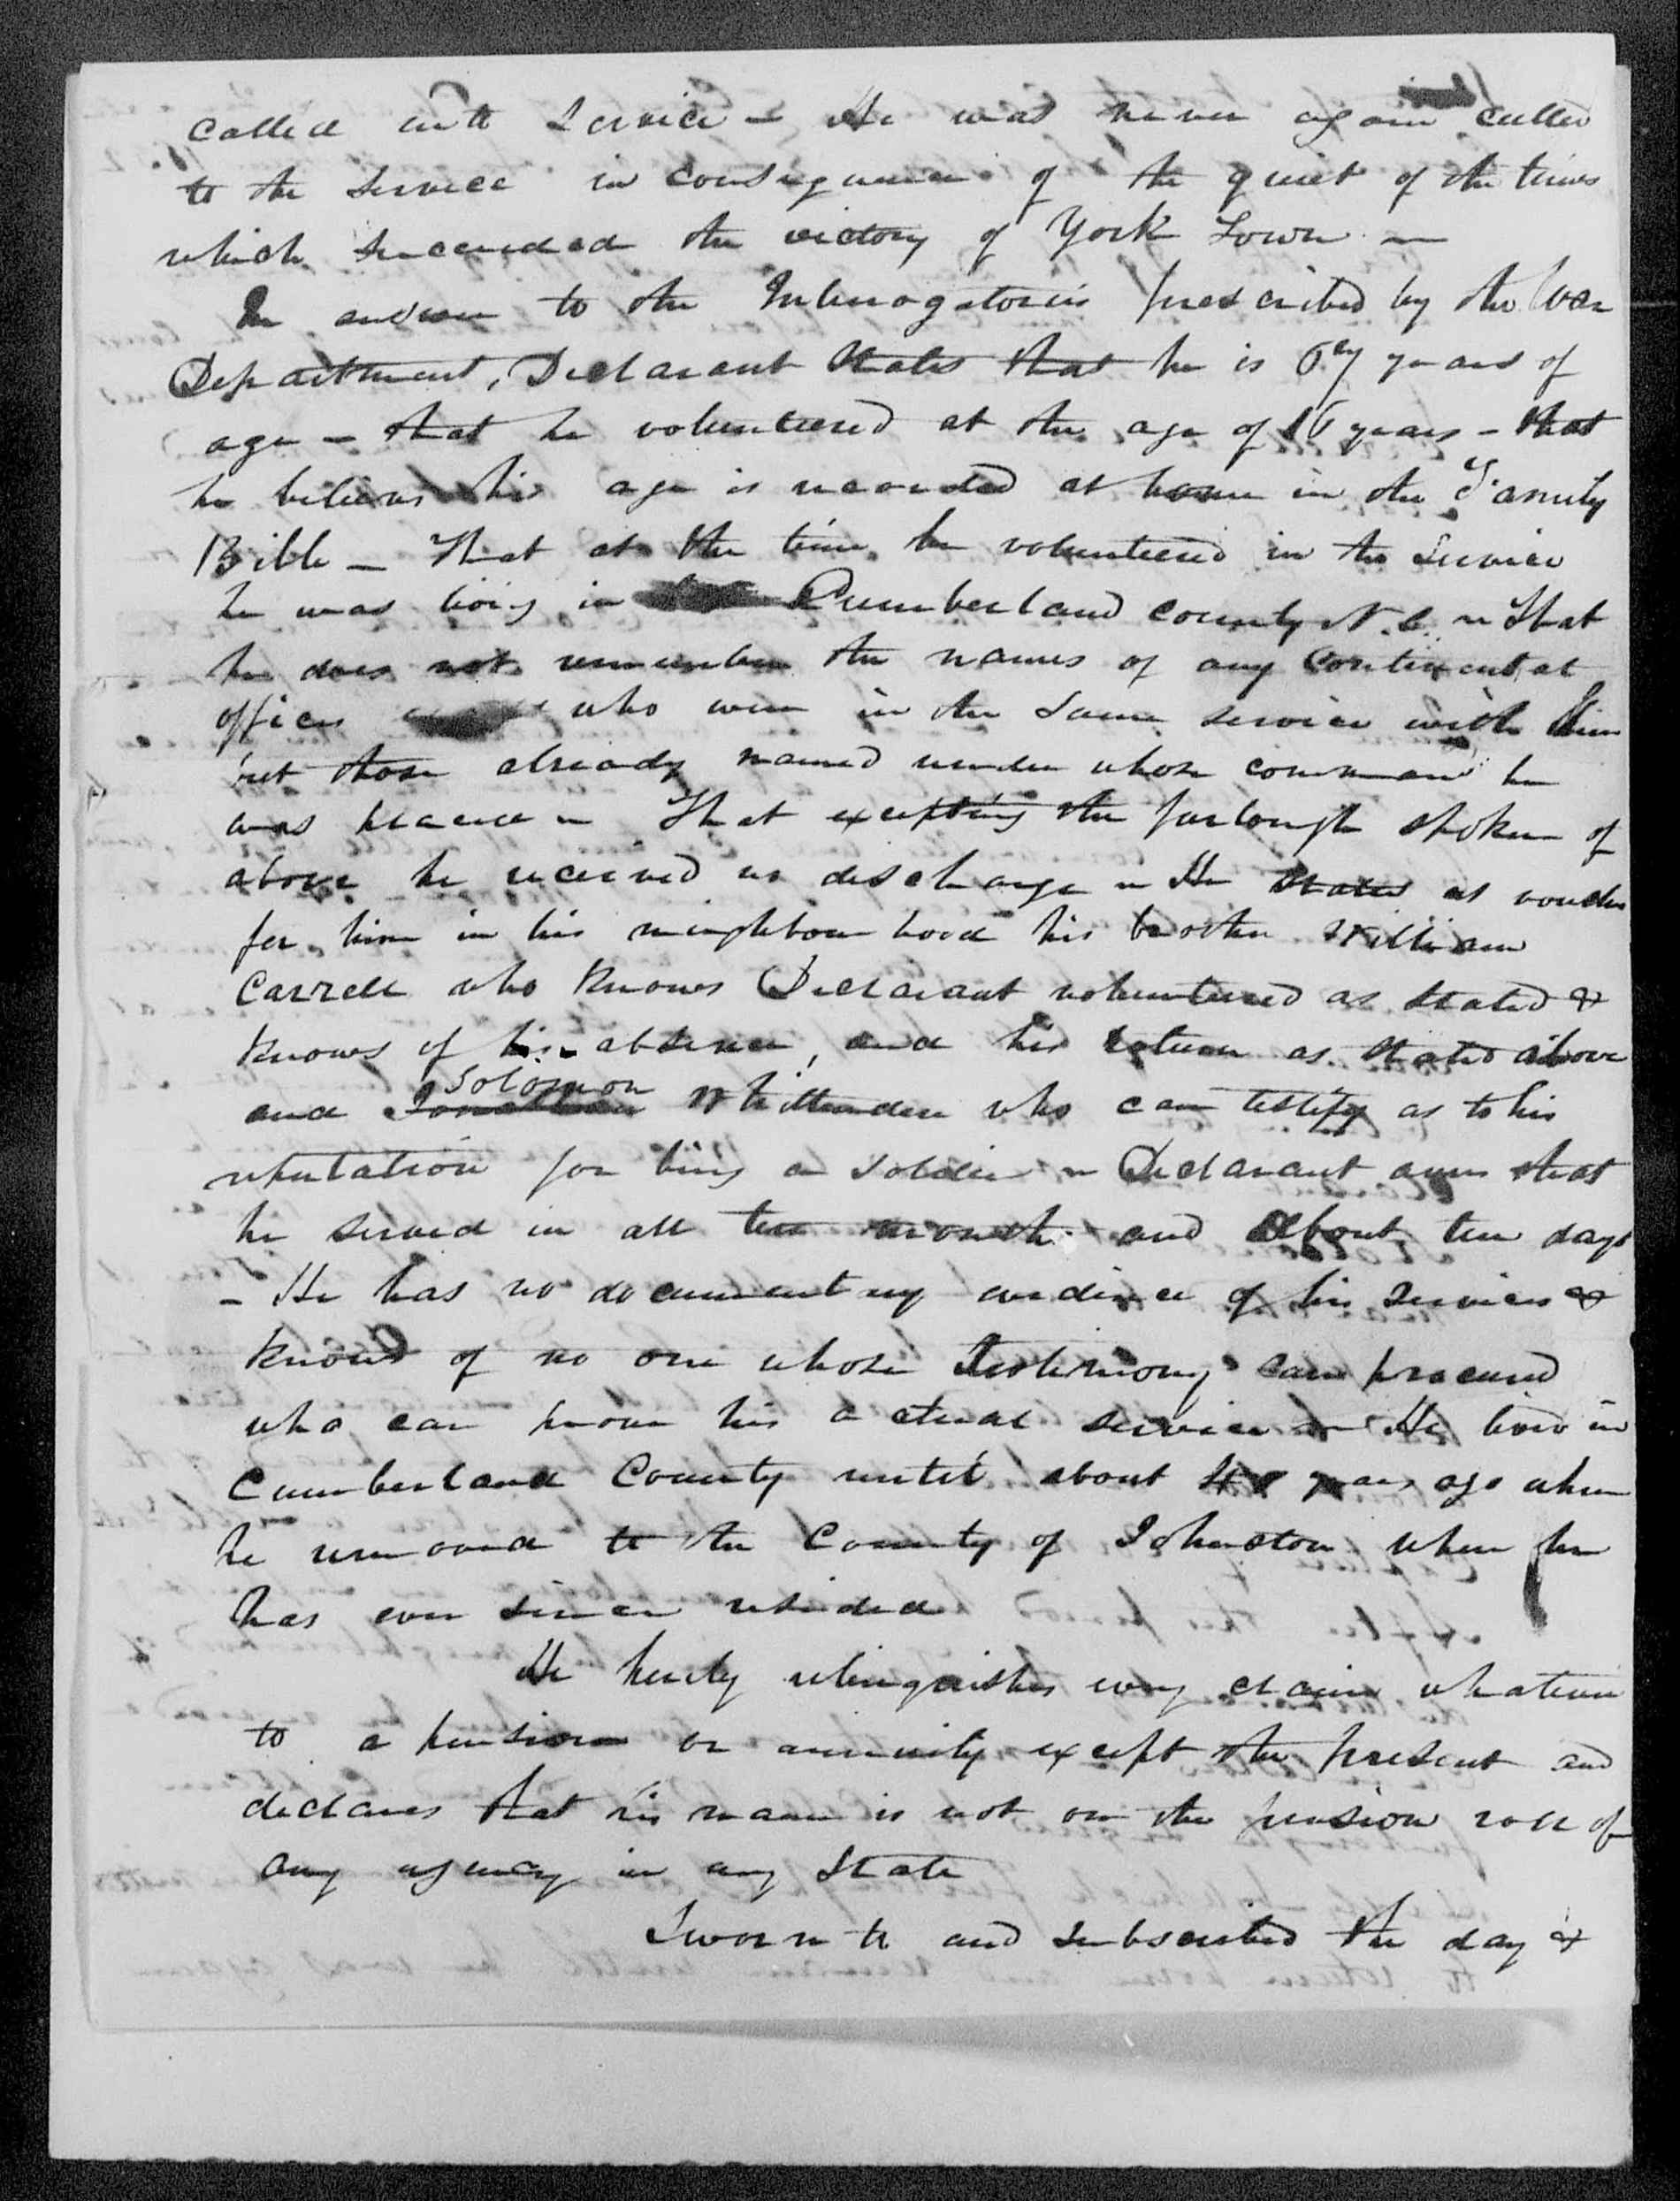called into service- He was never again called to the service in consequence of the quiet of the times which succeeded the victory of York Town.- In answer to the interrogatories prescribed by the War Department, Declarant states that he is 67 years of  of age- that he volunteered at the age of 16 years- that he believes his age is recorded at home in the family Bible- that at the time he volunteered in the Service he was living in [illegible] Cumberland county N.C. - That he does not [illegible] the names of any Continental officers who were in the same services with in but those already named under whose command he was placed (?)- That excepting the Furlough spoken of above he received no discharge- He stated as [illegible] for him in his neighborhood his brother William Carrell who knows Declarant volunteered as stated and knows of his absences and his [illegible] as stated above and Solomon Whittenden who can testify as to his reputation for being a soldier Declarant [illegible] that he served in all then months and about ten days- He has no documentary evidence of his services and knows of no one whose testimony can procured who can know this actual services He lived in Cumberland County until about six years ago when he removed to the County of Johnston where he has ever since resided.
He hereby relinquishes every claim whatever to a pension or annuity except the present and declares that his name is not on the pension roll of any agency in any state
Sworn to and subscribed the day and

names: Solomon Whittenden, William Carrell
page: 4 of 86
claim: widow's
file: W. 6899, James Carrell, N.C.